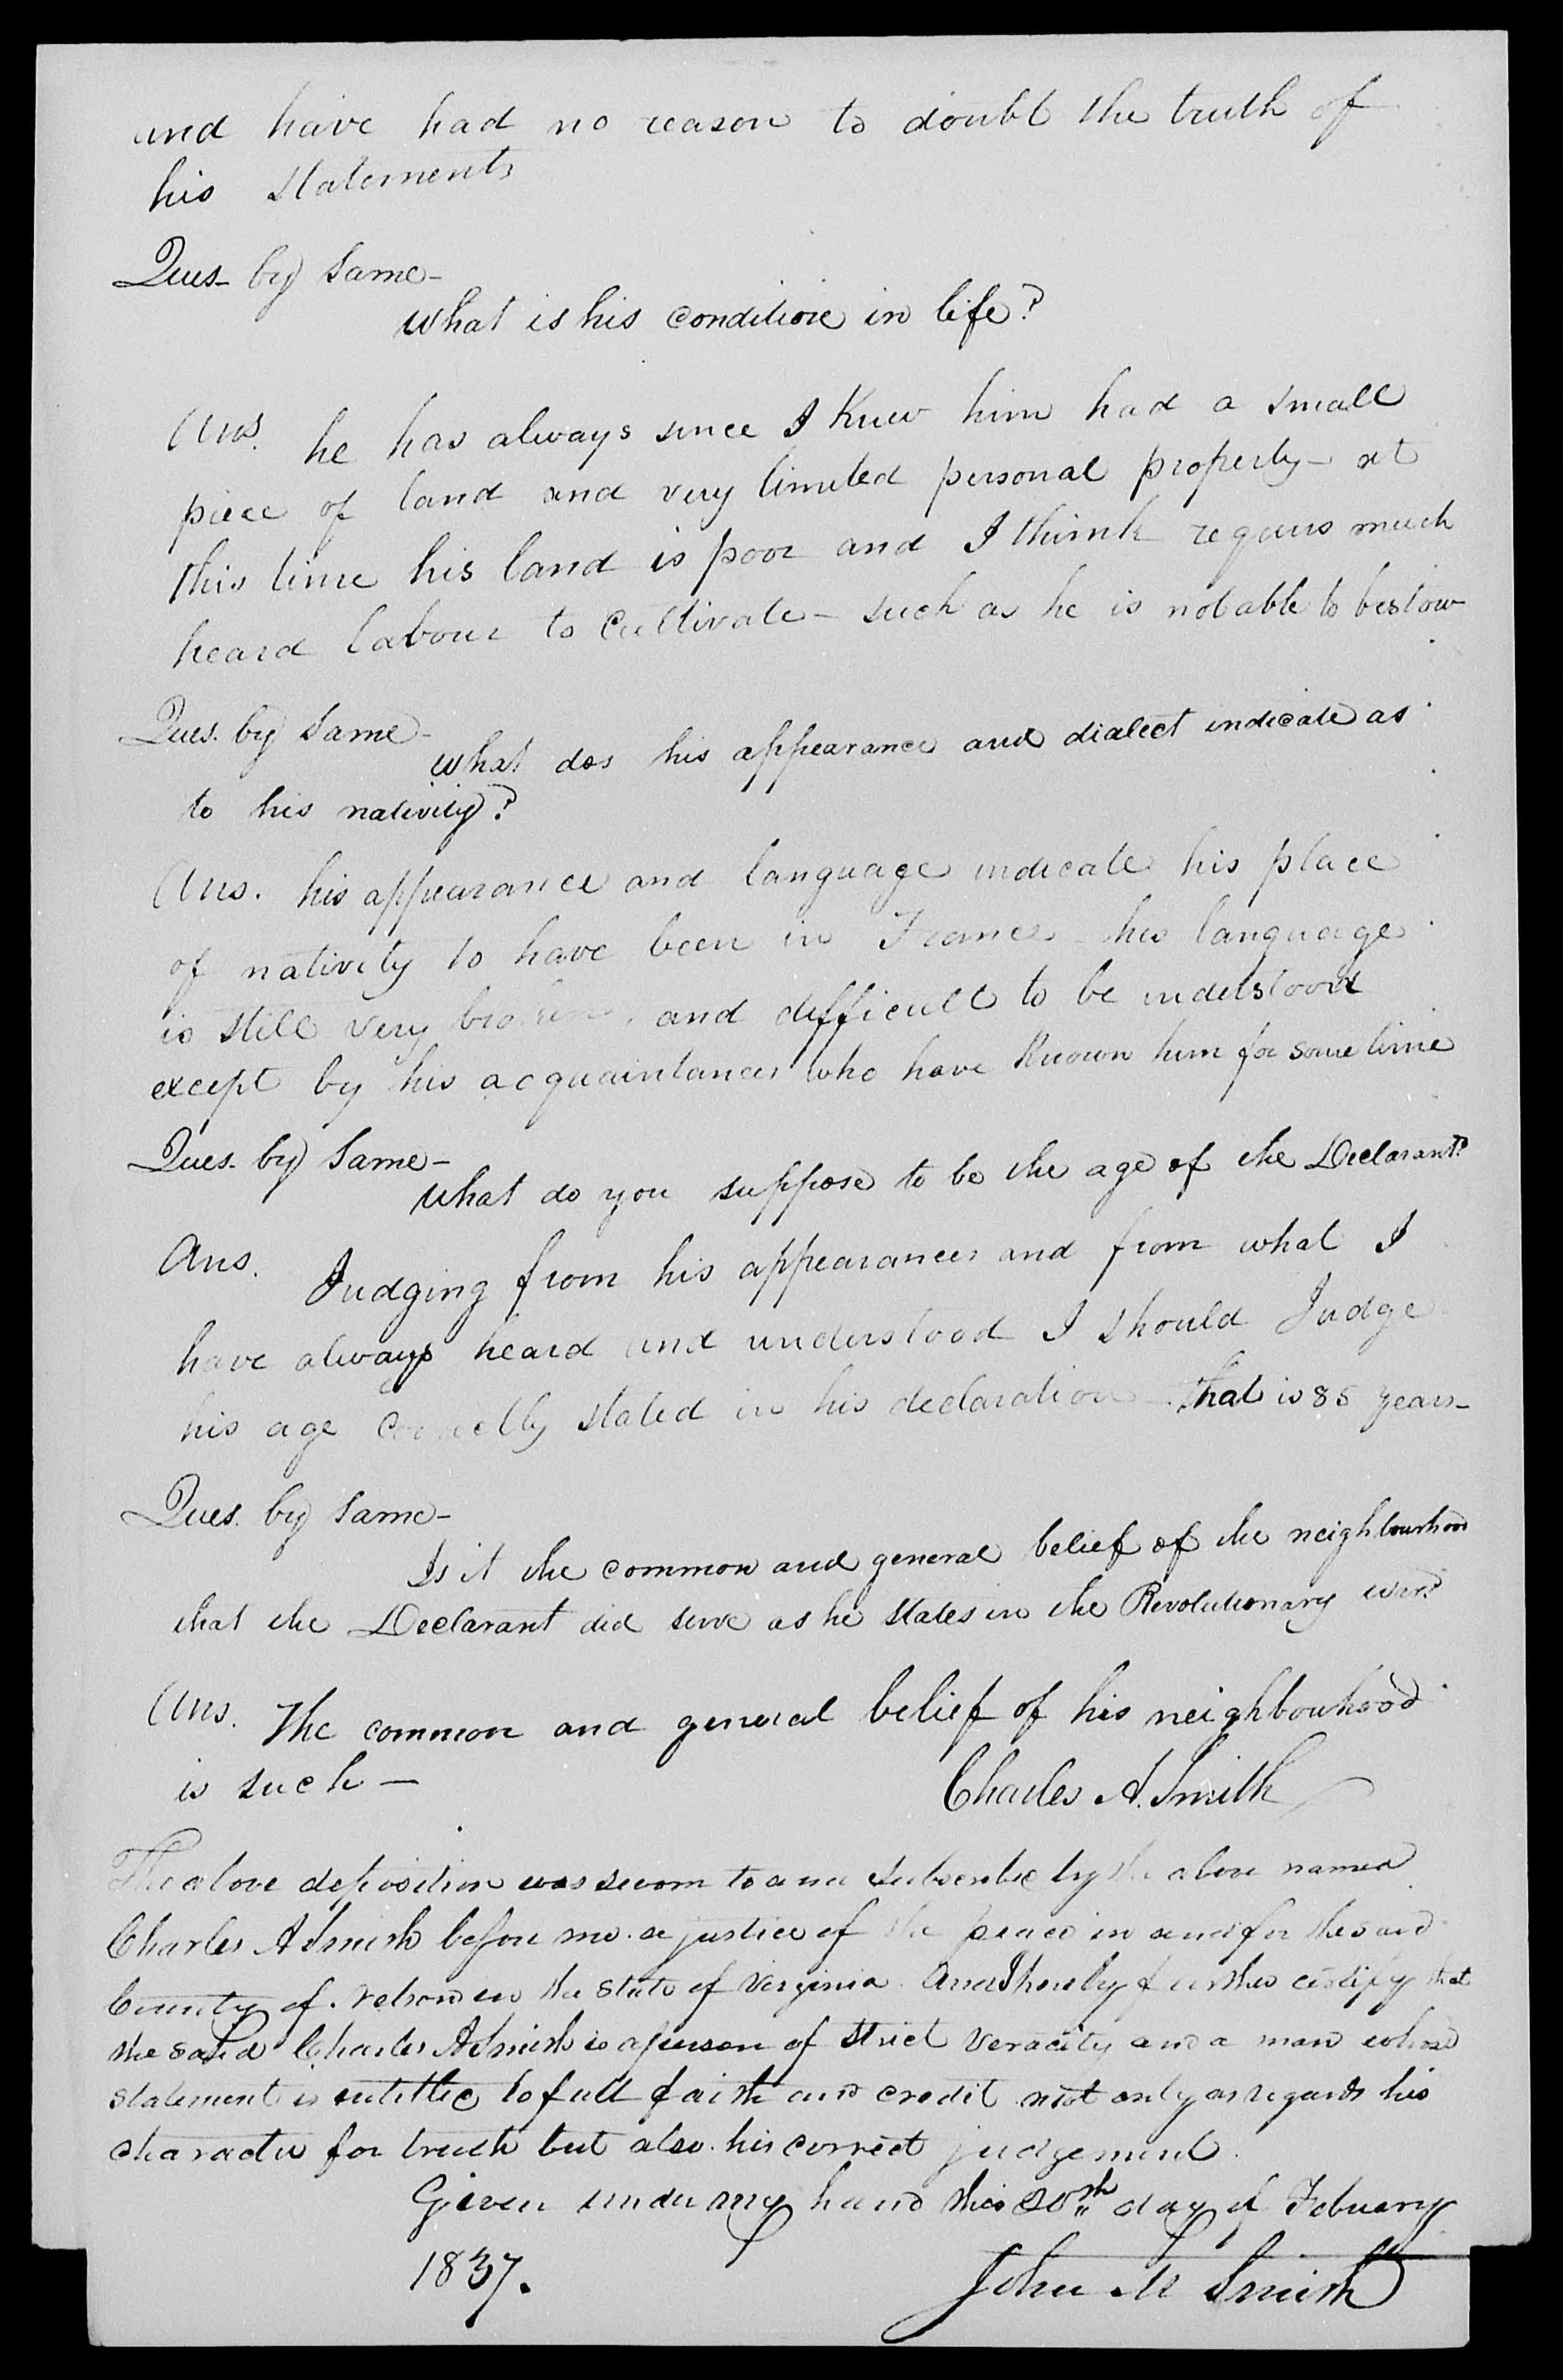and have had no reason to doubt the truth of
his statements.
Ques. by same- What is his condition in life?
Ans. He has always since I knew him had a small piece of land and very limited personal property- at this time his land is poor and I think requires much heard[hard] labour to cultivate - such as he is not able to bestow.
Ques. by same- What does his appearance and dialect indicate as to his natively?
Ans. his appearance and language indicate his place of nativity to have been in France- his language is still very broken, and difficult to be understand except by his acquaintances who have known him for some time.
Ques. by same-what do you suppose to be the age of the Declarant
Ans. Judging from his appearances and from what I have always heard and understood I should judge his age correctly stated in his declaration that 85 years
Ques. by same- Is it the common and general belief of the neighbourhood that the Declarant did serve as he states in the Revolutionary war
Ans. The common and general belief of his neighborhood is such-
Charles A. Smith
The above deposition was sworn to and subscribed by the above named Charles A Smith before me a justice of the peace in and for the said County of Nelson in the State of Virginia, and I hereby further certify that the
said Charles A Smith is a person of strict veracity and a man whose statement is entitled to full faith and credit not only as regards his character for truth but also his correct judgement given under my hand this 20th day of February
1837.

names: John M Smith, Charles A Smith, Charles A Smith, Charles A Smith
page: 21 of 21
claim: rejected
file: R. 2,896, Charles Duzua, French